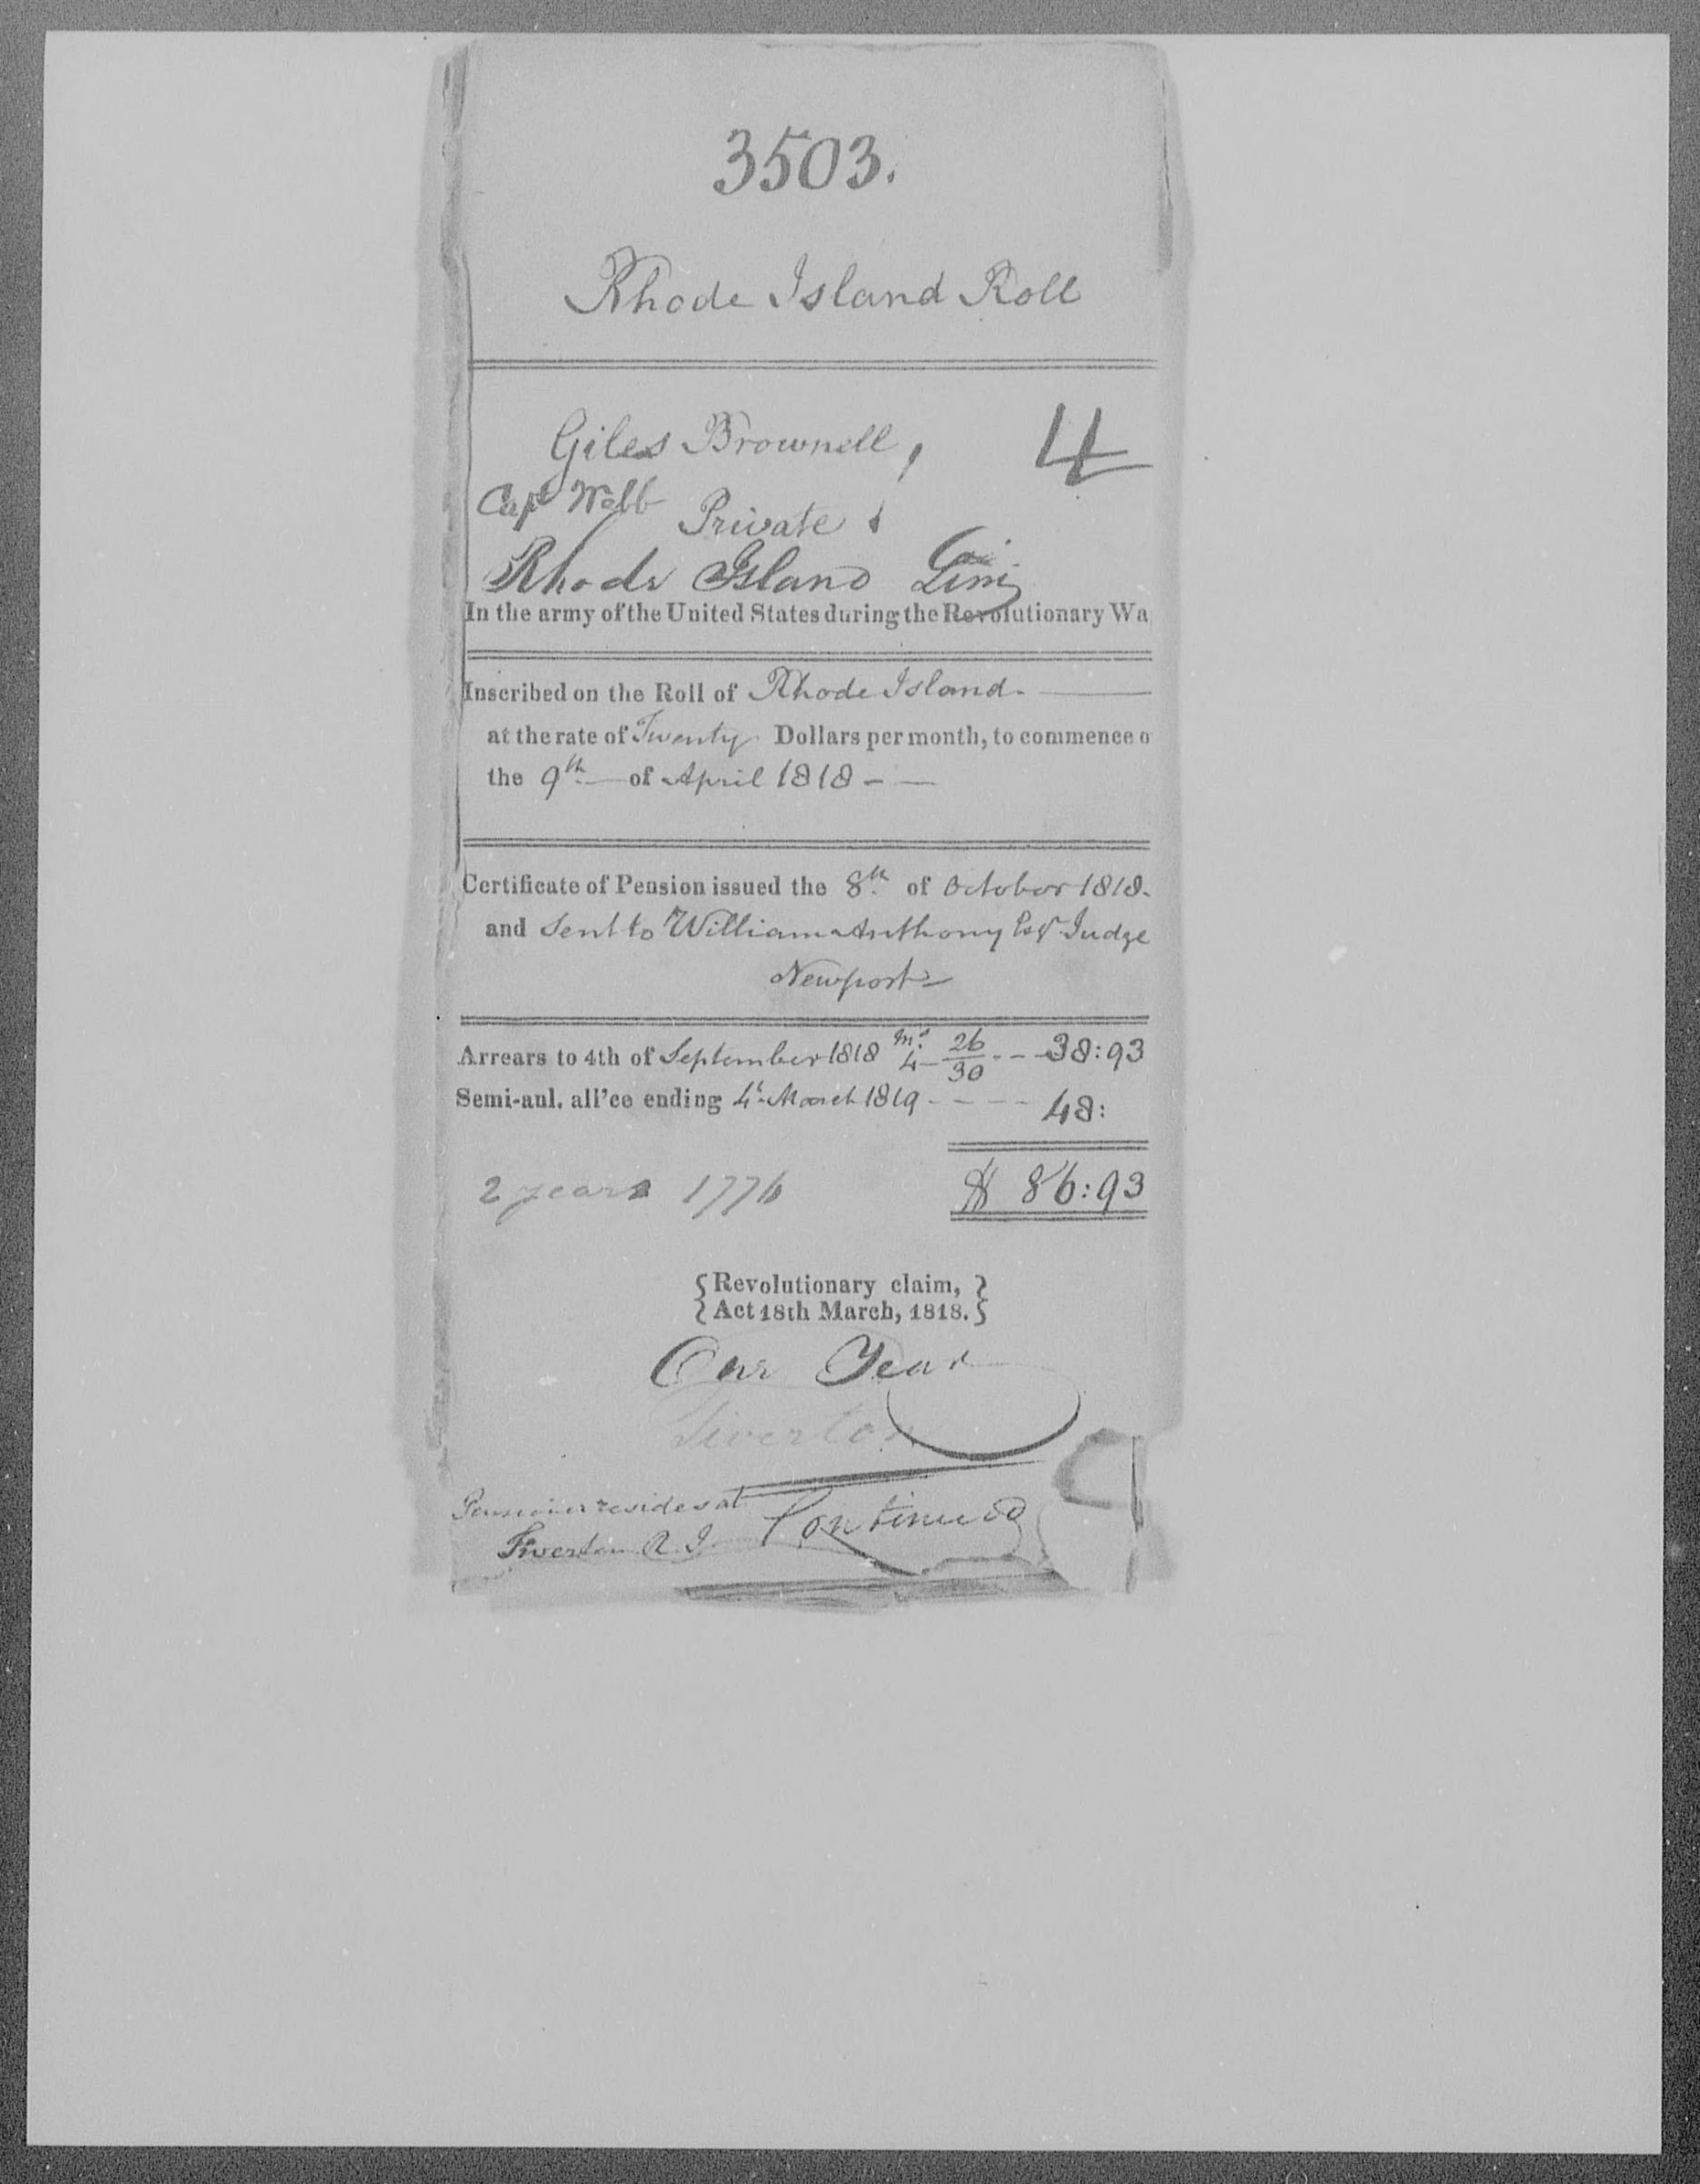[Form with handwritten in { }]
{3505.}

{Giles Brownell}
Cap^t Webb}
{Private}
{Rhode Island Line}
[to the right: {LL or 4?}]
In the army of the United States during the Revolutionary War

Inscribed on the Roll of {Rhode Island -}
at the rate of {Twenty} Dollars per month, to commence on
the {9th - } of {April 1818 - -}

Certificate of Pension issued the {8th} of {October 1818.}
and {Sent to William Anthony [illegible] Judge 
Newport - }

Arrears to 4th of {September 1818 In^d 4 - 26/30 - - - 38:93}
Semi - anl. all'ce ending {4 March 1819 - - - 48:}
{ 2 years 1776 $86:93}

Revolutionary claim,
Act 18th March, 1818. {in brackets}
{One Year
Tiverton}
{Pensioner resident at Tiverton R.I. Continued}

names: William Anthony, Webb, Giles Brownell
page: 2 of 12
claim: survivor's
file: S. 38579, Giles Brownell, Continental (R.I.) Navy